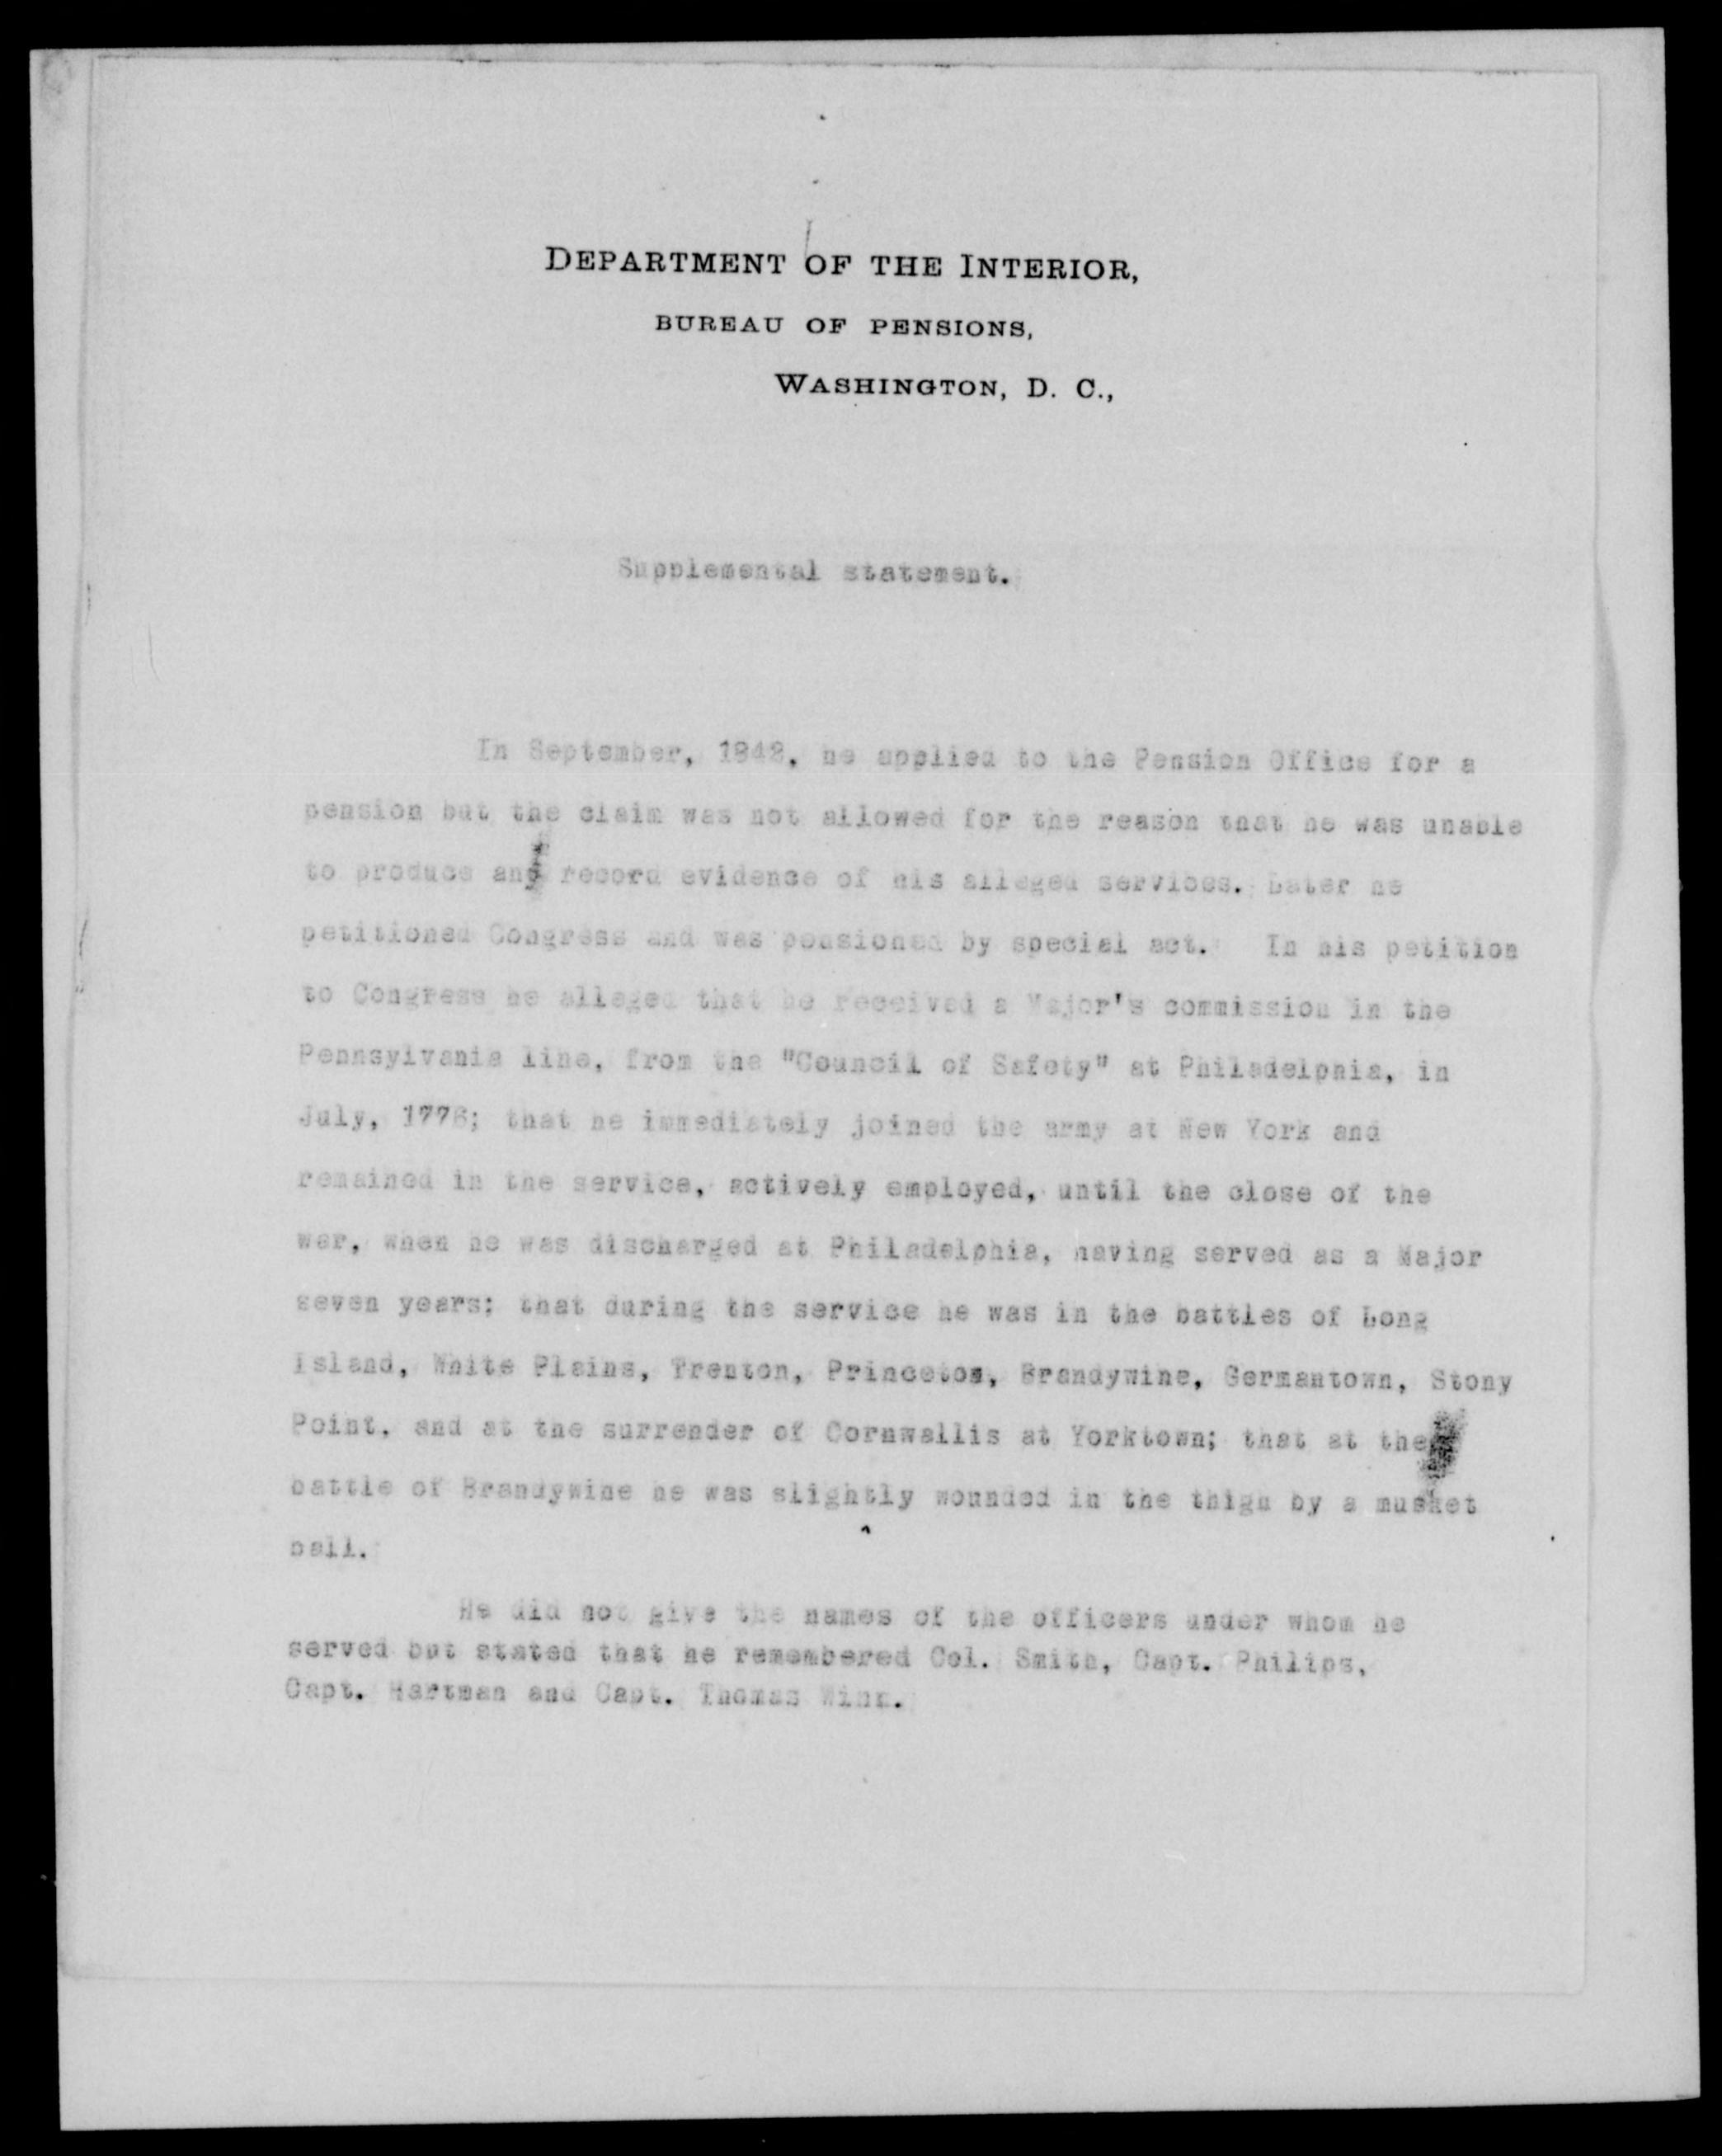DEPARTMENT OF THE INTERIOR,
BUREAU OF PENSIONS.
WASHINGTON, D. C.,

Supplemental statement.

In September, 1842, he applied to the Pension Office for a pension but the claim was not allowed for the reason that he was unable
to produce any record evidence of his alleged services. Later he petitioned Congress and was pensioned by special act. In his petition
to Congress as alleged that he received a Major's commission in the Pennsylvania line, from the "Council of Safety" at Philadelphia, in
July, 1776; that he immediately joined the army at New York and remained in the service, actively employed, until the close of the war, when he was discharged at Philadelphia, having served as a Major seven years; that during the service as was in the battles of Long Island, White Plains, Trenton, Princeton, Brandywine, Germantown, Stony Point, and at the surrender of Cornwallis at Yorktown; that at the battle of Brandywine he was slightly wounded in the thigh by a musket ball.
He did not give the names of the officers under whom he served but stated that he remembered Col. Smith, Capt. Philps, Capt. Hartman and Capt. Thomas Winn.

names: Philips, Thomas Winn, Smith, Hartman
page: 11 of 68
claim: survivor's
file: S. 6,358, George Wentling, Penn.